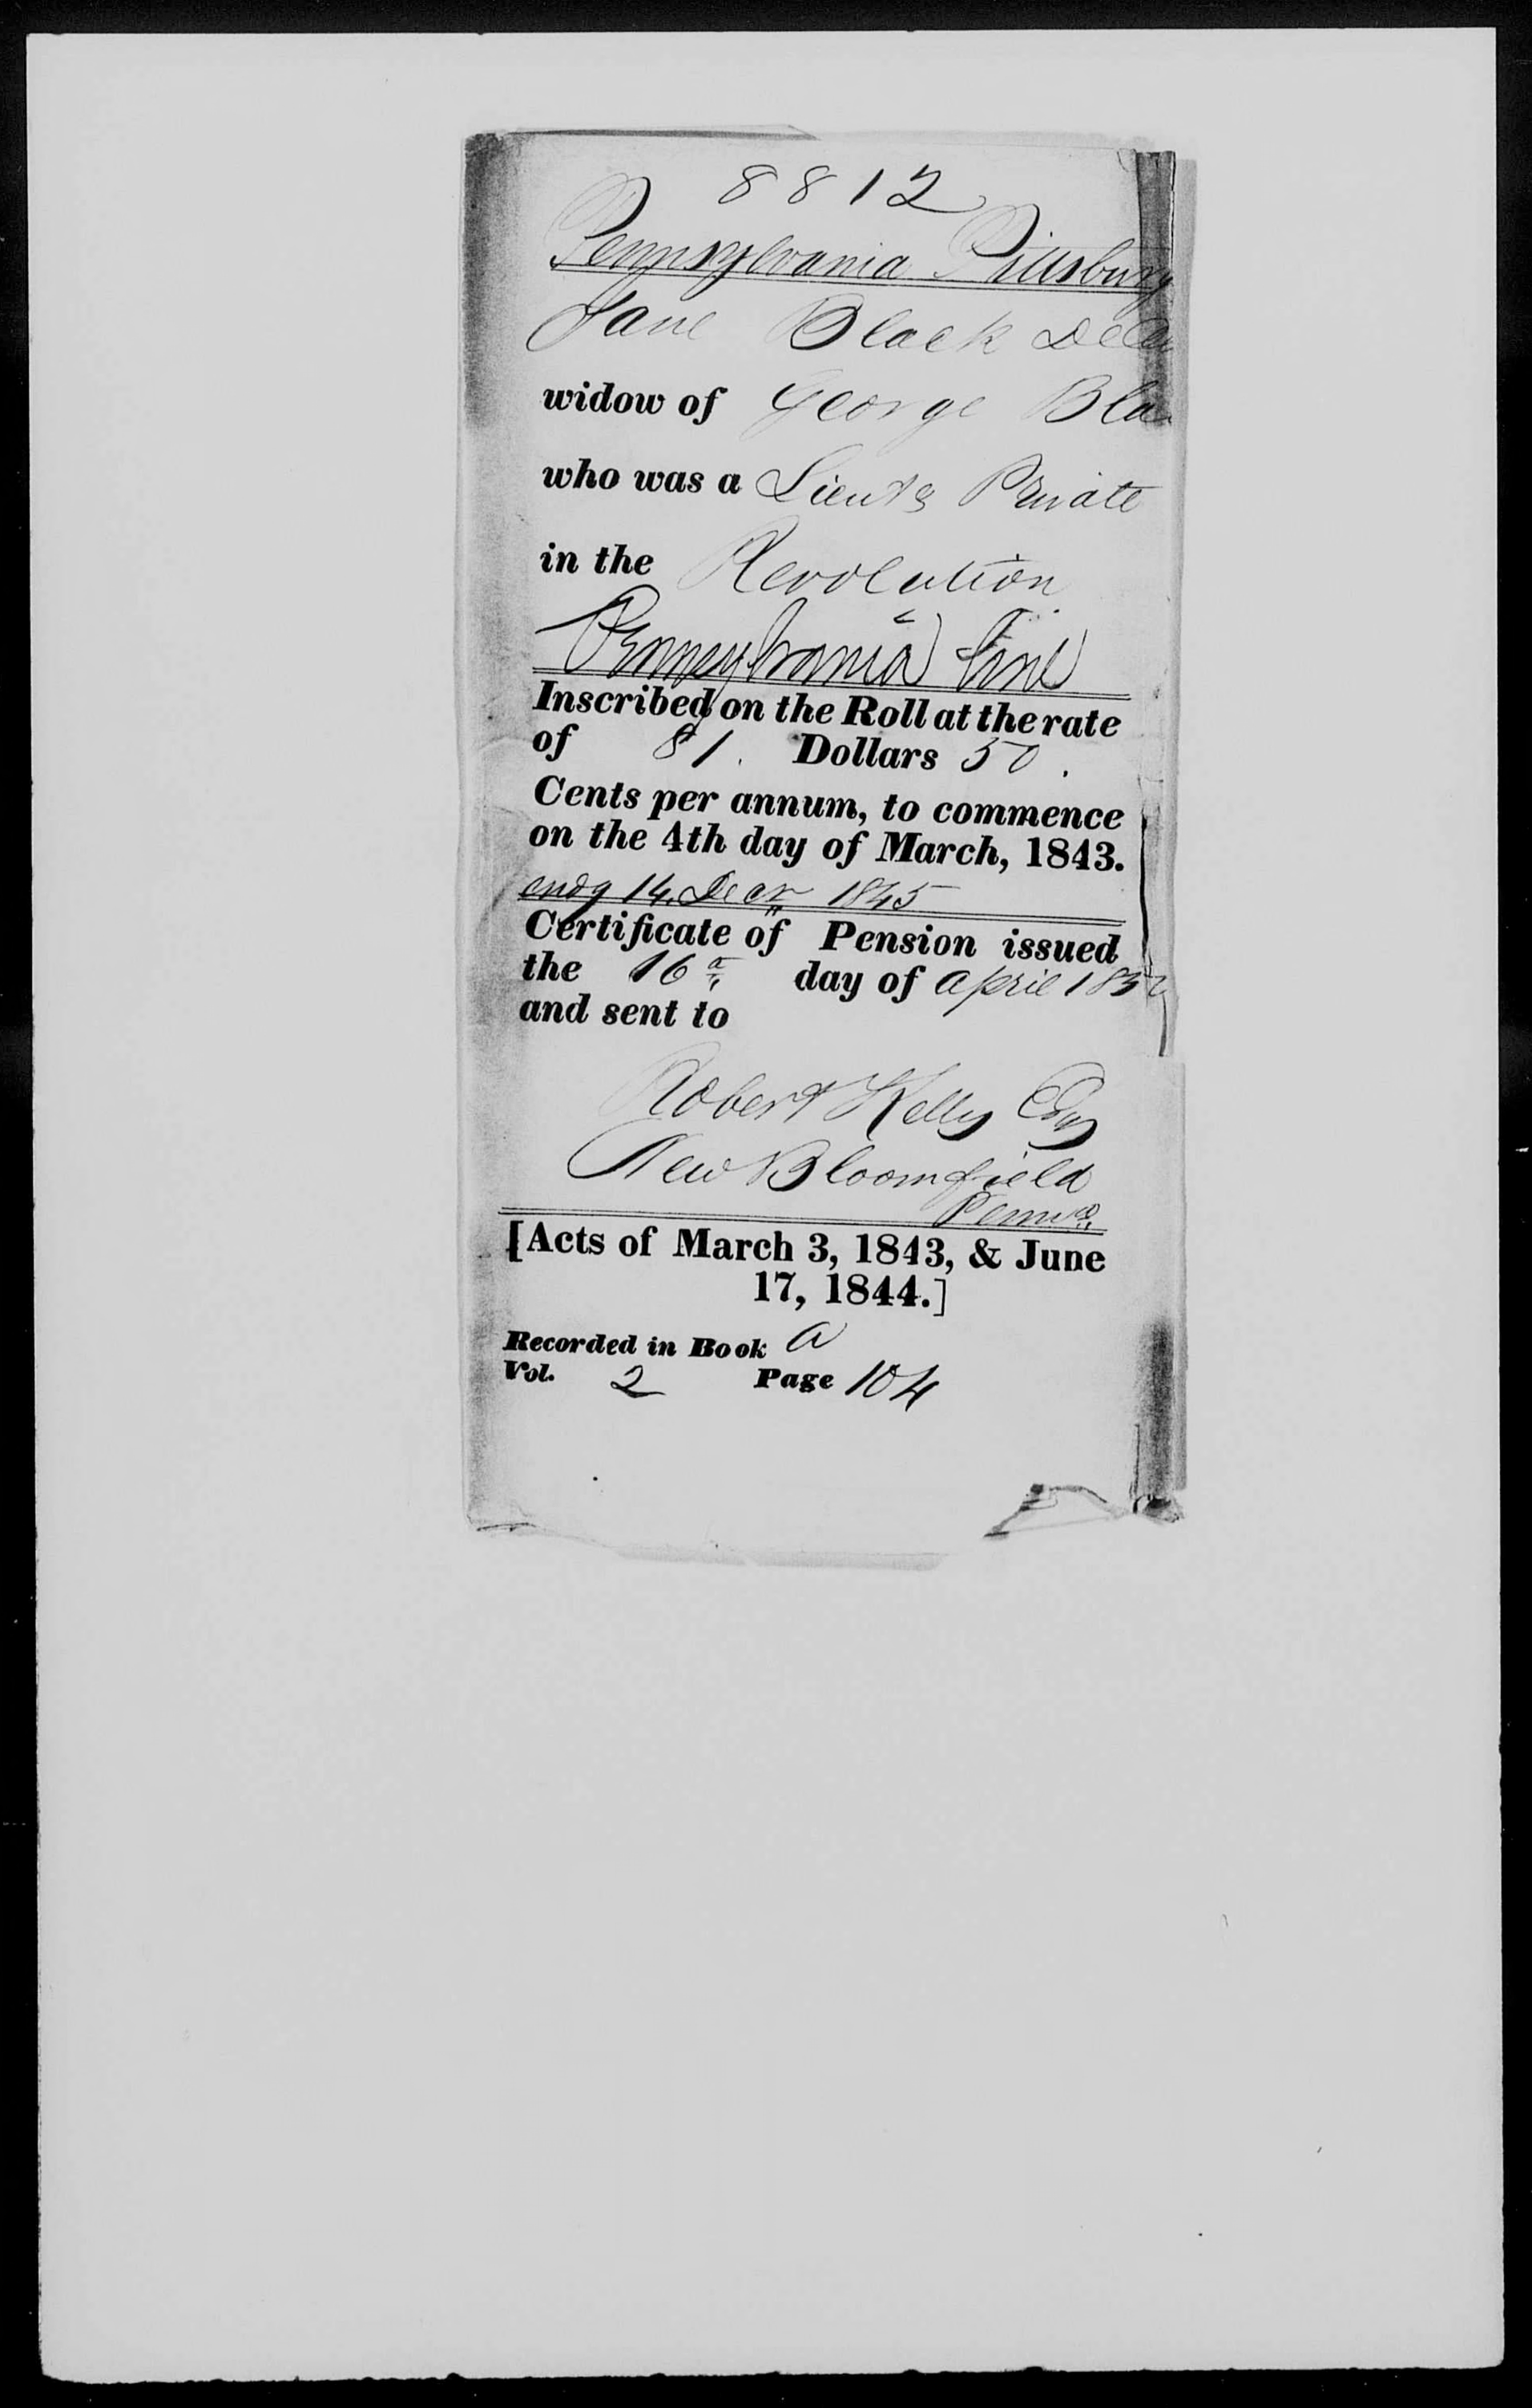8812
Pennsylvania Pittsburg
Jane Black [illegible]
widow of George Black
who was a Lieut & Private
in the Revolution
Pennsylvania Line
Inscribed on the roll at the rate of 81. Dollars 50.
Cents per annum, to commence on the 4th day of March, 1843.
[illegible] 14. Decr 1845
Certificate of Pension issued the 16th day of April 1832
Robert Kelly Esq
New Bloomfield
Penna
[Acts of March 3, 1843, & June 17, 1844.]
Recorded in Book A
Vol. 2 Page 104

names: Robert Kelly, George, Jane Black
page: 3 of 30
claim: widow's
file: W. 3211, George Black, Penn.